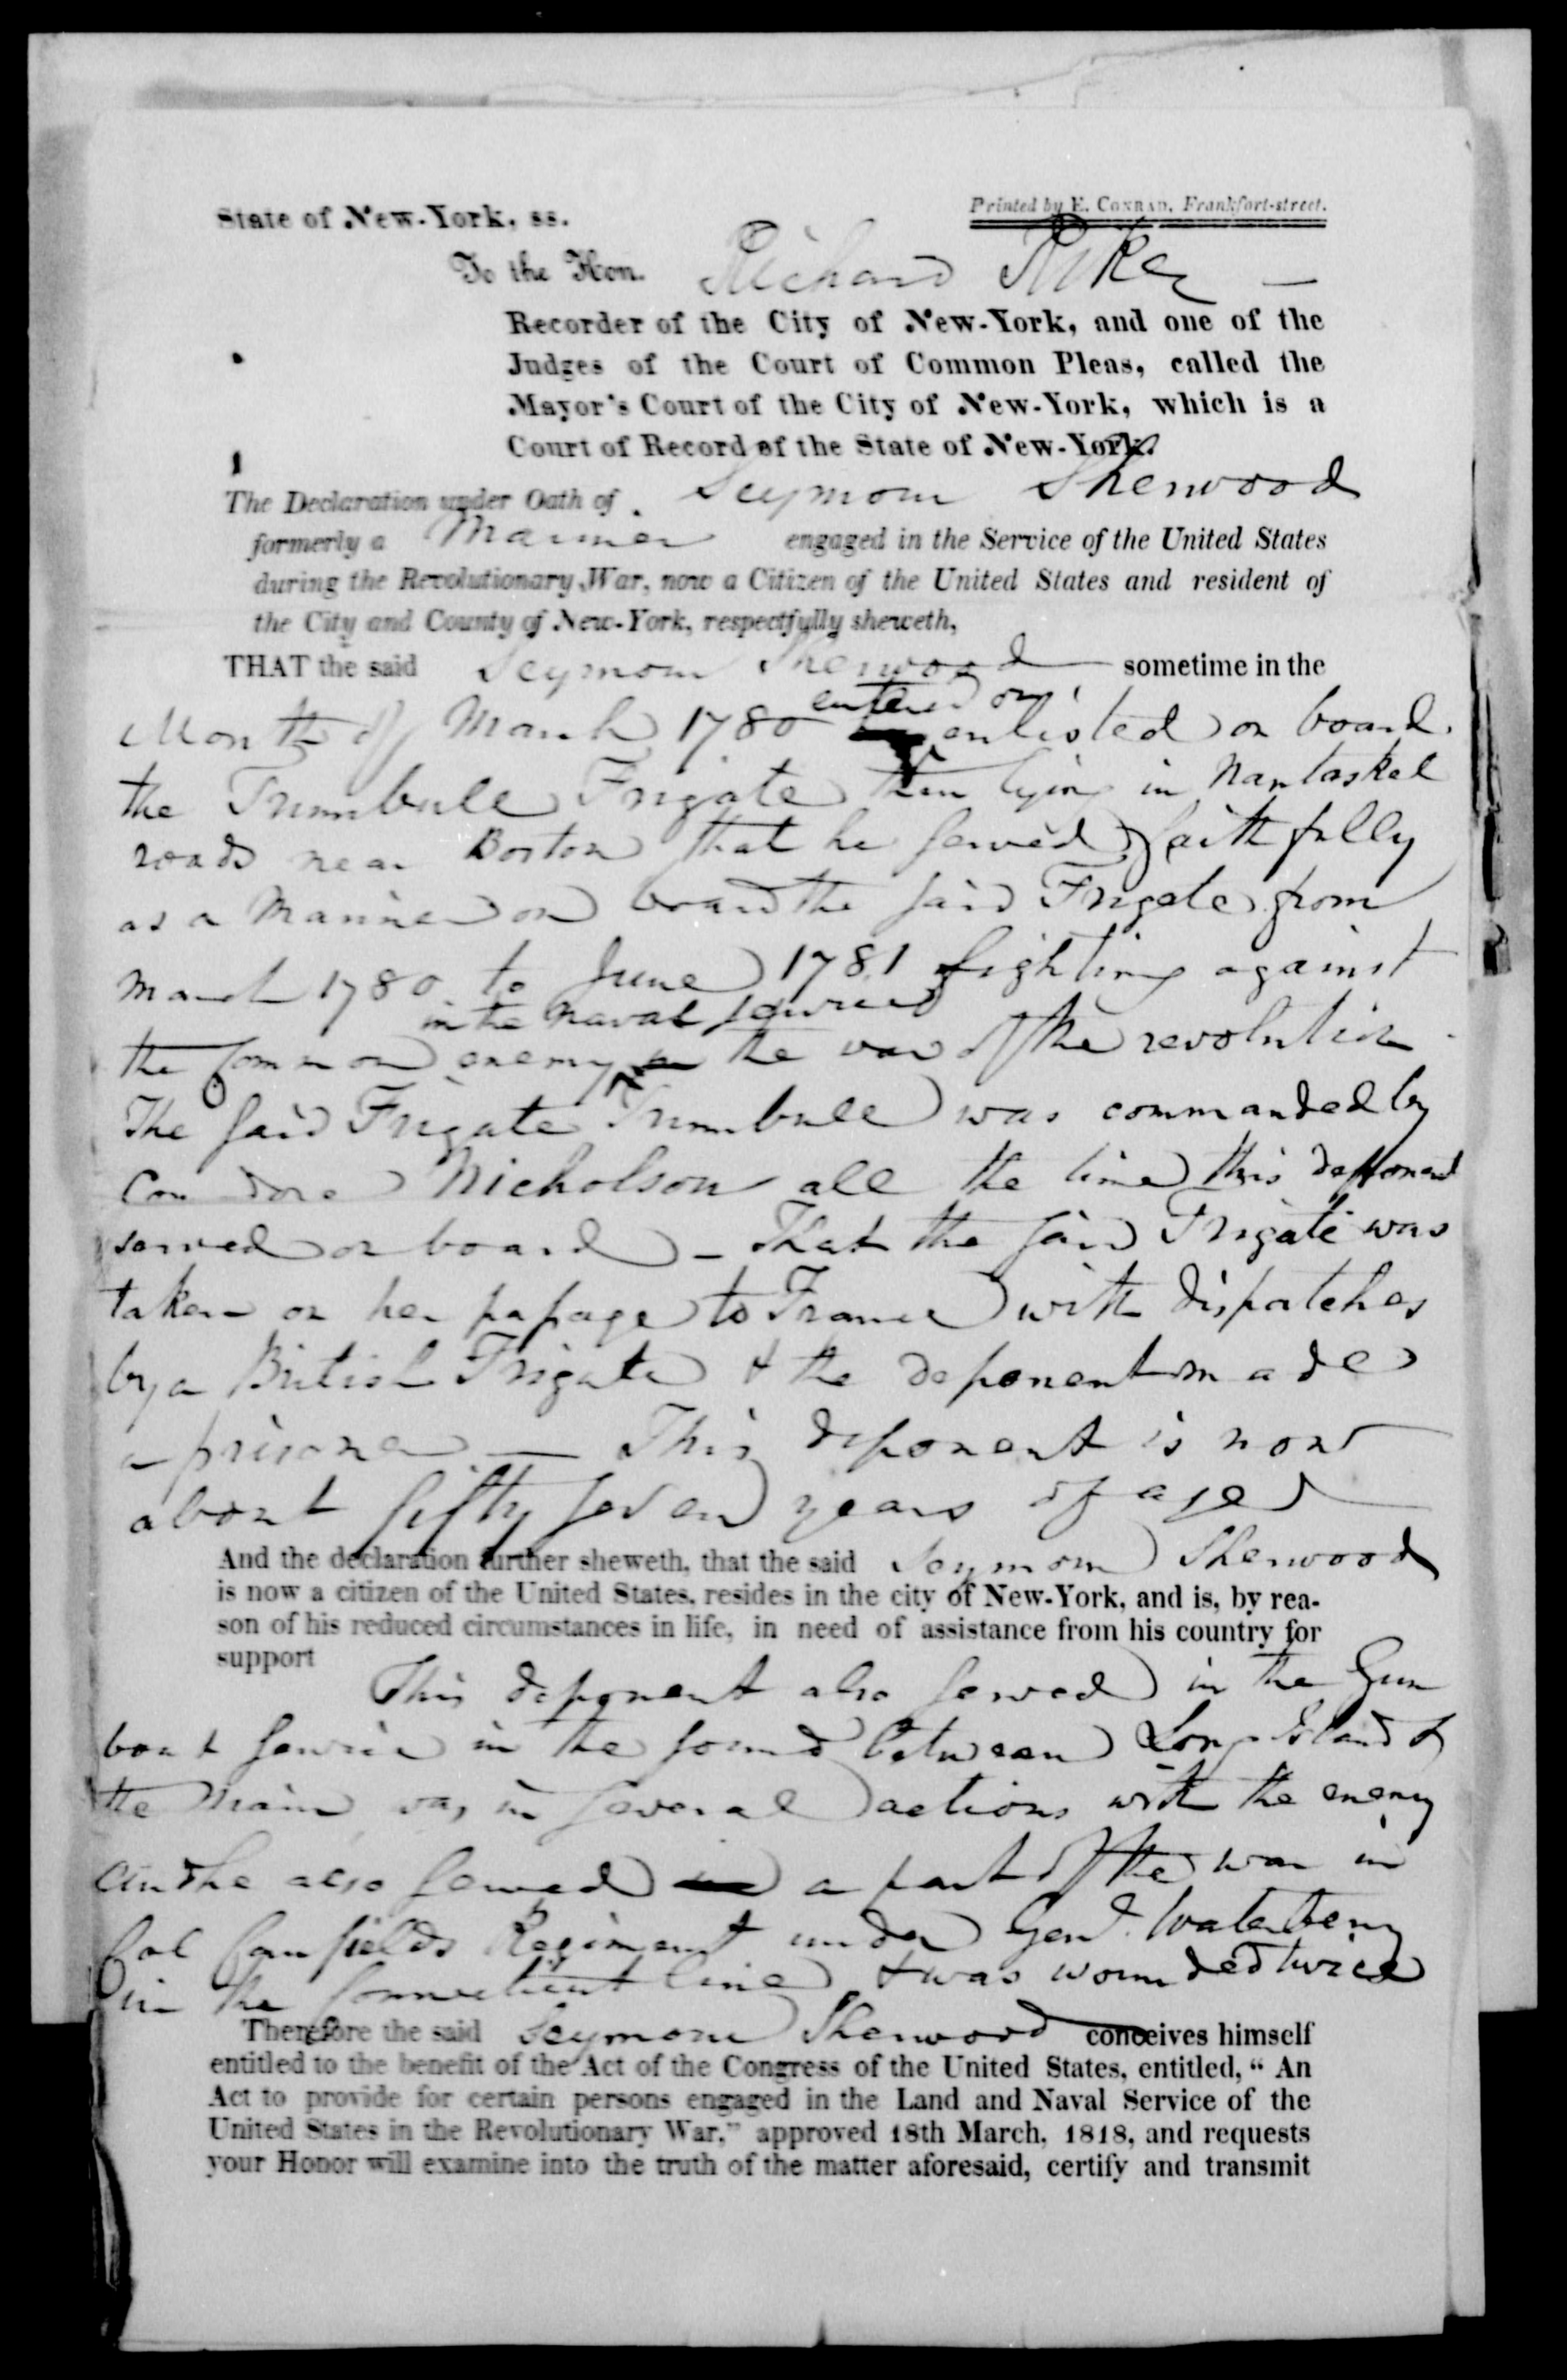Printed by E. Conrad, Frankfurt Street

State of New York, ss.

To the Hon. Richard Pike
Recorder of the City of New-York, and one of the Judges of the Court of Common Pleas, called the 
Mayor's Court of the City of New-York, which is a 
Court of Record of the State of New-York.

The Declaration under Oath of Seymour Sherwood formerly a Mariner engaged in the Service of the United States during the Revolutionary War, now a Citizen of the United States and resident of the City and County of New-York, respectfully sheweth,

THAT the said Seymour Sherwood sometime in the Month of March 1780 entered or enlisted on board the Trumbull Frigate then lying in Nantucket roads near Boston that he served faithfully as a Marine on board the said Frigate from March 1780 to June 1781 fighting against the common enemy in the war of the revolution.
The said Frigate Trumbull was commanded by Commodore Nicholson all the time this deponent served on board - That the said Frigate was taken on her passage to France with dispatches by a British Frigate and the deponent made a prisoner - This deponent is now about fifty seven years of age  - 

And the declaration further sheweth that the said Seymour Sherwood is now a citizen of the United States, resides in the City of New-York, and is, by reason of his reduced circumstances in life, in need of assistance from his country for support
This deponent also served in the Gun boat service in the  sound between Long Island and the Mainer was in several actions with the enemy and he also served a part of the war in Col. Canfield's Regiment under General Waterbery in the Connecticut line and was wounded twice

Therefore the said Seymour Sherwood conceives himself entitled to the benefit of the Act of the Congress of the United States, entitled, "An Act to provide for certain persons engaged in the Land and Naval Service of the United States in the Revolutionary War," approved 18th March, 1818, and requests your Honor will examine into the truth of the matter aforesaid, certify and transmit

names: Richard Riker; [BLANK] Waterbery; Seymour Sherwood; Commodore Nicholson; Seymour Sherwood; Seymour Sherwood; Seymour Sherwood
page: 9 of 30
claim: survivor's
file: S. 42289, for Seymore Sherwood, Connecticut